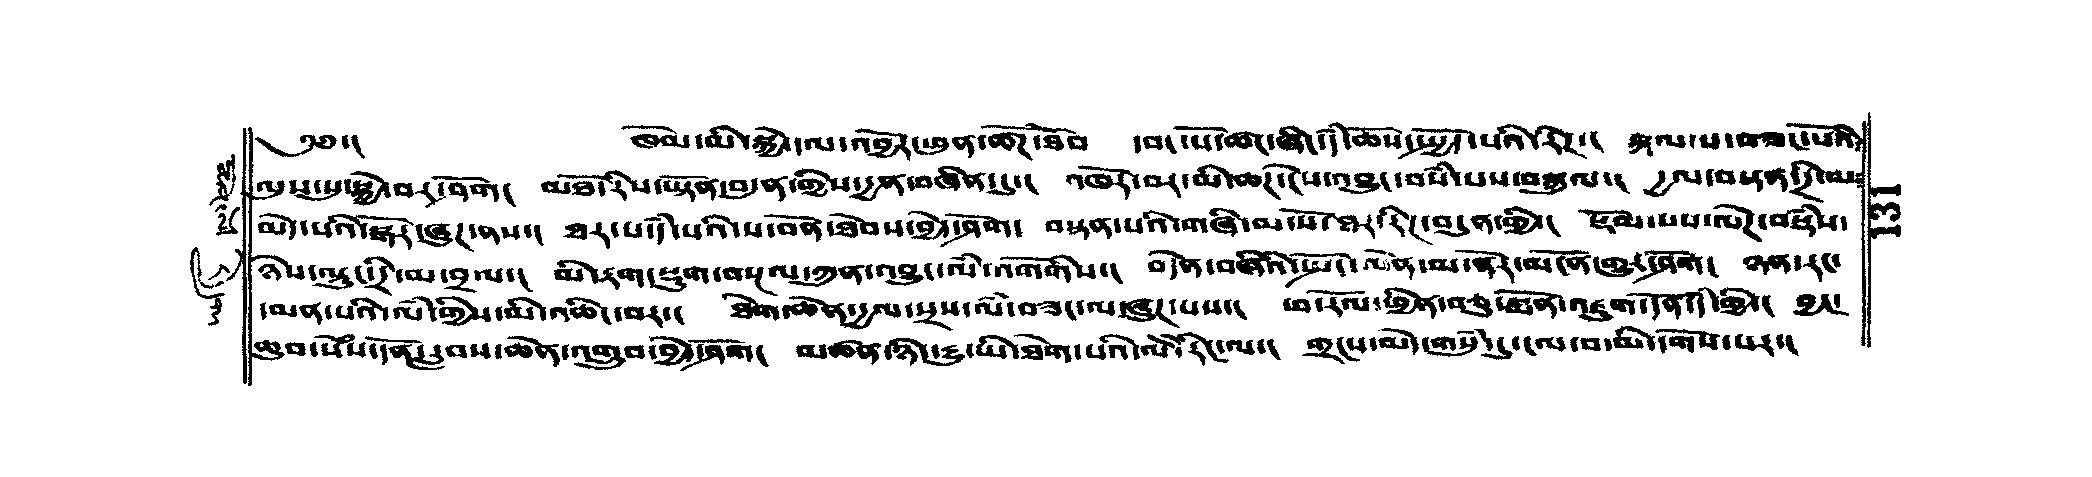ཁོམ་མི་སྐྱེ་དལ་འབྱོར་ཕུན་ཚོགས་ཐོབ། །དབང་པོ་ཚང་ཞིང་དམ་ཆོས་སྤྱོད་པའི་རིགས། །སྐལ་པ་བཟང་པོའི་
ལུས་སུ་སྐྱེ་བར་ཤོག །མཐོ་རིས་ཡོན་ཏན་བདུན་གྱིས་བརྒྱན་བཞིན་དུ། །འཁོར་བར་མི་ཆགས་ངེས་འབྱུང་བསམ་པས་བསྐུལ། །རྒྱལ་བསྟན་དྲི་མ་
མེད་པའི་སྒོར་ཞུགས་ནས། །ཐར་པ་དམ་པའི་ས་བོན་ཐེབས་བྱེད་ཤོག །བསྟན་པའི་གཞི་མ་སོ་ཐར་རིགས་བདུན་གྱི། །སྡོམ་པས་ལེགས་བསྡམས་
ཉེས་ལྟུང་དྲི་མ་བྲལ། །མི་རྟག་སྡུག་བསྔལ་ཀུན་འབྱུང་ལམ་འགོག་གིས། །བདེན་བཞིའི་སྤོང་ལེན་མ་ནོར་མངོན་གྱུར་ཤོག །ཉན་རང་
དམན་པའི་ལམ་གྱིས་མི་འཆིང་བར། ཐེག་ཆེན་རྒྱལ་སྲས་ལམ་བཟང་ལ་ཞུགས་པས། །ཕ་རོལ་ཕྱིན་བཅུ་སྨོན་འཇུག་དོན་དམ་གྱི། །བྱང་
ཆུབ་སེམས་དོན་རླབས་ཆེན་འགྲུབ་བྱེད་ཤོག །མཚན་ཉིད་རྒྱུ་ཡི་ཐེག་པའི་ལམ་རིང་ལ། །གྲངས་མེད་གསུམ་དུ་ངལ་བ་མི་དགོས་པར།